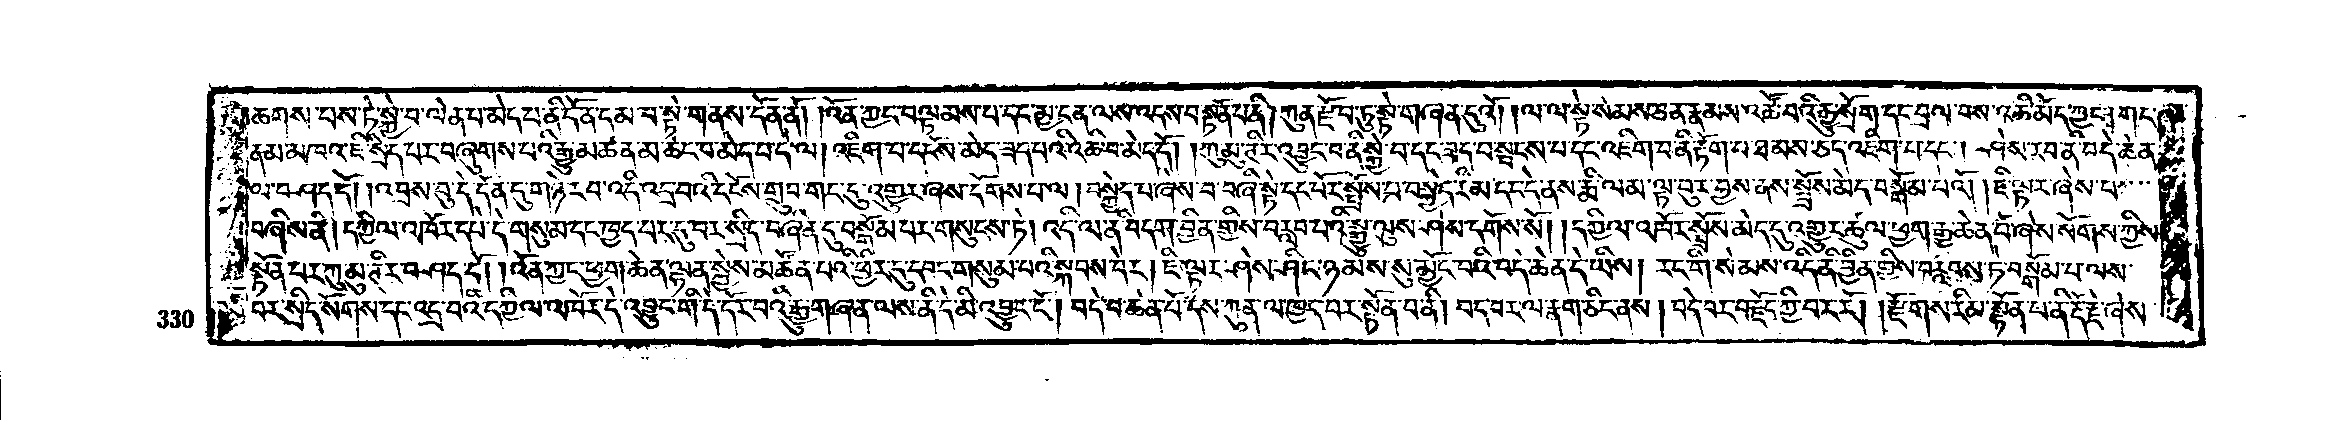ཆགས་པས་ཏེ་སྐྱེ་བ་ལེན་པ་མེད་པ་ནི་དོན་དམ་པ་སྟེ་གནས་དོན་ནོ། །འོན་ཀྱང་བལྟམས་པ་དང་མྱ་ངན་ལས་འདས་པ་སྟོན་པ་ནི། ཀུན་རྫོབ་ཏུ་སྟེ་གཞན་དུའོ། །ལ་ལ་སྟེ་སེམས་ཅན་རྣམས་འཚོ་བའི་རྒྱུ་སྲོག་དང་བྲལ་བས་འཆི་མོད་ཀྱང་། གང་
ནམ་མཁའ་ཇི་སྲིད་པར་བཞུགས་པའི་རྒྱུ་མཚན་མ་ཚང་བ་མེད་པ་དེ་ལ། འཇིག་པ་དངོས་མེད་ཟད་པའི་འཆི་བ་མེད་དོ། །ཀུ་མུ་ཊིར་འབྱུང་བ་ནི་སྐྱེ་བ་དང་ཟད་པ་སྤངས་པ་དང་འཇིག་པ་ནི་རྟོག་པ་ཐམས་ཅད་འཇིག་པ་དང་། ཤེས་རབ་ནི་བདེ་ཆེན་
ལ་བཤད་དོ། །འབྲས་བུ་དེ་དོན་དུ་གཉེར་བ་འདི་འདྲ་བའི་དངོས་གྲུབ་གང་དུ་འགྱུར་ཞས་དོགས་པ་ལ། བསྐྱེད་པ་ཞེས་པ་བཞི་སྟེ་དང་པོར་སྤྲོས་པ་བསྐྱེད་རིམ་དང་དེ་ནས་རྨི་ལམ་ལྟ་བུར་བྱས་ནས་སྤྲོས་མེད་བསྒོམ་པའོ། །ཇི་ལྟར་ཞེས་པ་
བཞིས་ནི། དཀྱིལ་འཁོར་དཔེ་དེ་གསུམ་དང་ཁྱད་པར་དུ་བར་སྲིད་བཞིན་དུ་བསྒོམ་པར་གསུངས་ཏེ། འདི་ལ་ནི་བདག་བྱིན་གྱིས་བརླབ་པའི་སྒྱུ་ལུས་ཤེས་དགོས་སོ། །དཀྱིལ་འཁོར་སྤྲོས་མེད་དུ་འགྱུར་ཚུལ་ཕྱག་རྒྱ་ཆེན་པོ་ཞེས་སོགས་ཀྱིས་
སྟོན་པར་ཀུ་མུ་ཊིར་བཤད་དོ། །འོན་ཀྱང་ཕྱག་ཆེན་ལྷན་སྐྱེས་མཚོན་པའི་ཕྱིར་དུ་དབང་གསུམ་པའི་སྐབས་དེར། ཇི་ལྟར་ཤེས་ཤིང་ཉམས་སུ་མྱོང་བའི་བདེ་ཆེན་དེ་ཡིས། རང་གི་སེམས་འདི་ནི་བྱིན་གྱིས་བརླབས་ཏེ་བསྒོམ་པ་ལས་
བར་སྲིད་སོགས་དང་འདྲ་བའི་དཀྱིལ་འཁོར་དེ་འབྱུང་གི་དེ་དོར་བའི་རྒྱུ་གཞན་ལས་ནི་དེ་མི་འབྱུང་ངོ། །བདེ་བ་ཆེན་པོ་དེས་ཀུན་ལ་ཁྱད་པར་སྟོན་པ་ནི། བདེ་བར་ལ་རྣག་ཅིང་ནས། བདེ་བར་བརྗོད་ཀྱི་བར་རོ། །རྫོགས་རིམ་སྟོན་པ་ནི་རྡོ་རྗེ་ཞེས་